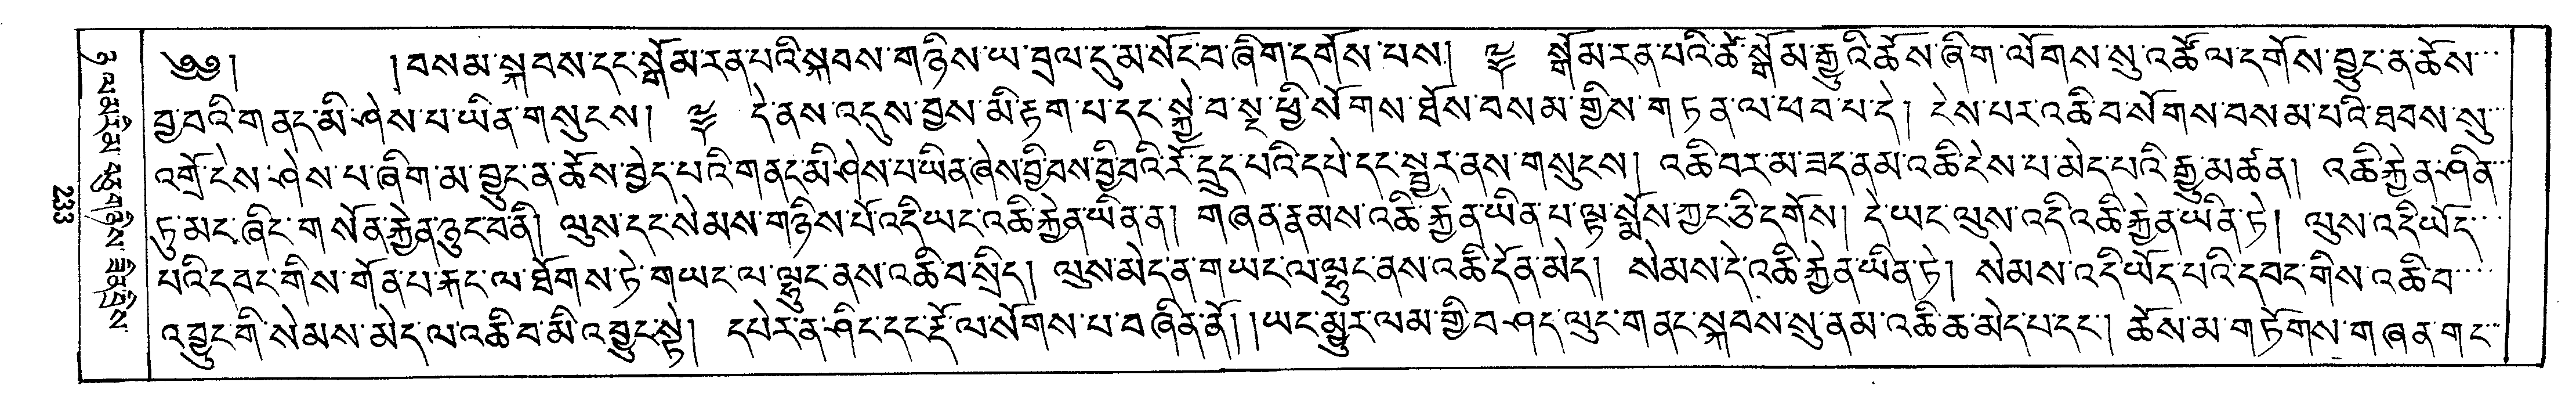༄༅། །བསམ་སྐབས་དང་སྒོམ་རན་པའི་སྐབས་གཉིས་ཡ་བྲལ་དུ་མ་སོང་བ་ཞིག་དགོས་པས། ༈ སྒོམ་རན་པའི་ཚེ་སྒོམ་རྒྱུའི་ཆོས་ཞིག་ལོགས་སུ་འཚོལ་དགོས་བྱུང་ན་ཆོས་
བྱ་བའི་གནད་མི་ཤེས་པ་ཡིན་གསུངས། ༈ དེ་ནས་འདུས་བྱས་མི་རྟག་པ་དང་སྐྱེ་བ་སྔ་ཕྱི་སོགས་ཐོས་བསམ་གྱིས་གཏན་ལ་ཕབ་པ་དེ། ངེས་པར་འཆི་བ་སོགས་བསམ་པའི་ཐད་ག་སུ་
འགྲོ་ངེས་ཤེས་པ་ཞིག་མ་བྱུང་ན་ཆོས་བྱེད་པའི་གནད་མི་ཤེས་པ་ཡིན་ཞེས་བྱི་བས་བྱི་བའི་རོ་དྲུང་པའི་དཔེ་དང་སྦྱར་ནས་གསུངས། འཆི་བར་མ་ཟད་ནམ་འཆི་ངེས་པ་མེད་པའི་རྒྱུ་མཚན། འཆི་རྐྱེན་ཤིན་
ཏུ་མང་ཞིང་གསོན་རྐྱེན་ཉུང་བ་ནི། ལུས་དང་སེམས་གཉིས་པོ་འདི་ཡང་འཆི་རྐྱེན་ཡིན་ན། གཞན་རྣམས་འཆི་རྐྱེན་ཡིན་པ་ལྟ་སྨོས་ཀྱང་ཅི་དགོས། དེ་ཡང་ལུས་འདི་འཆི་རྐྱེན་ཡིན་ཏེ། ལུས་འདི་ཡོད་
པའི་དབང་གིས་གོན་པ་རྐང་ལ་ཐོགས་ཏེ་གཡང་ལ་ལྷུང་ནས་འཆི་བ་སྲིད། ལུས་མེད་ན་གཡང་ལ་ལྷུང་ནས་འཆི་དོན་མེད། སེམས་དེ་འཆི་རྐྱེན་ཡིན་ཏེ། སེམས་འདི་ཡོད་པའི་དབང་གིས་འཆི་བ་
འབྱུང་གི་སེམས་མེད་ལ་འཆི་བ་མི་འབྱུང་སྟེ། དཔེར་ན་ཤིང་དང་རྡོ་ལ་སོགས་པ་བཞིན་ནོ། །ཡང་མྱུར་ལམ་གྱི་བཤད་ལུང་གནང་སྐབས་སུ་ནམ་འཆི་ཆ་མེད་པ་དང་། ཆོས་མ་གཏོགས་གཞན་གང་